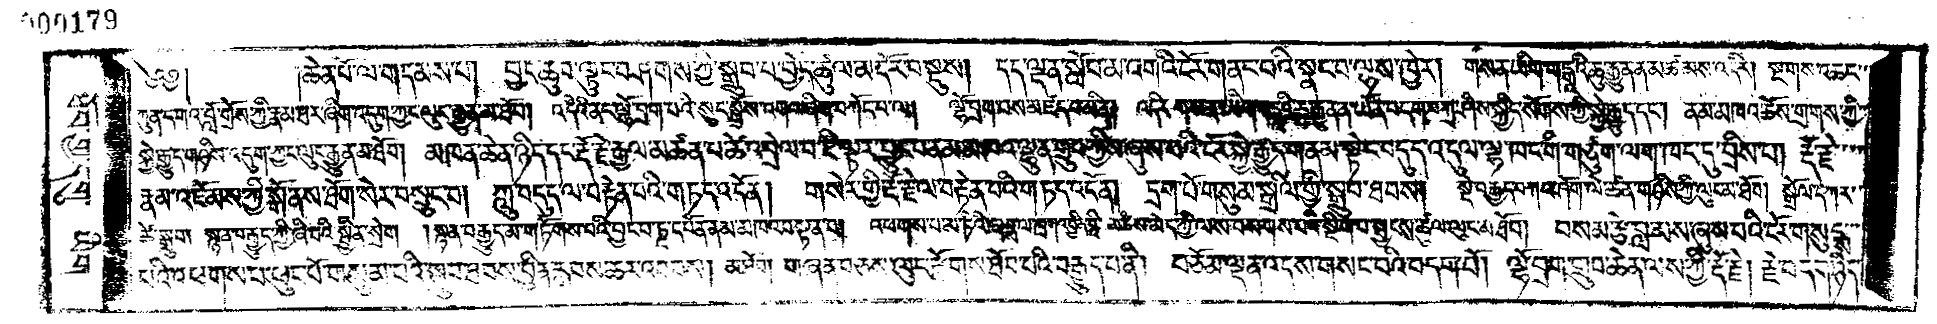༄༅། །ཆེན་པོ་ལ་གདམས་པ། བྱང་ཆུབ་ལྟུང་བཤགས་ཀྱི་སྒྲུབ་པ་བྱེད་ཚུལ་མདོར་བསྡུས། དད་ལྡན་སློབ་མ་འགའི་ངོར་གནང་བའི་སྣང་བ་ལྷས་ཁྱེར། གསན་ཡིག་གངྒཱའི་ཆུ་རྒྱུན་ན་མཚམས་འདིར། སྔགས་འཆང་
ཀུན་དགའ་བློ་གྲོས་ཀྱི་རྣམ་ཐར་ཞིག་འདུག་ཀྱང་ལུང་རྒྱུན་མ་ཐོབ། འདིའི་ནང་ལྷོ་བྲག་པའི་སུང་སྒྲོས་འགའ་ཞིག་བཀོད་པ་ལ། ལྷོ་བྲག་པས་མཛད་པ་མིན། འདིར་གསན་ཡིག་གངྒཱའི་ཆུ་རྒྱུན་ན་ཡོན་བདག་བཀྲ་ཤིས་སྐྱིད་སོགས་ཀྱི་སྐྱེ་རྒྱུད་དང་། ནམ་མཁའ་ཆོས་གྲགས་ཀྱི་
སྐྱེ་རྒྱུད་གཉིས་འདུག་ཀྱང་ལུང་རྒྱུན་མ་ཐོབ། མཁན་ཆེན་ཉིད་དང་རྡོ་རྗེ་རྒྱལ་མཚན་པ་ཚེ་འབྲེལ་བ་ཇི་ལྟར་བྱུང་བ་ནམ་མཁའ་ལྷུན་གྲུབ་ཀྱིས་ཞུས་པའི་ངོར་སྐྱེ་རྒྱུད་གནམ་སྟེང་བདུད་འདུལ་ལྷ་ཁང་གི་གཙུག་ལག་ཁང་དུ་བྲིས་པ། རྡོ་རྗེ་
རྣམ་འཇོམས་ཀྱི་སྒོ་ནས་ཐོག་སེར་བསྲུང་བ། ཀླུ་བདུད་ལ་བརྟེན་པའི་གཏད་འདོན། གསེར་གྱི་རྡོ་རྗེ་ལ་བརྟེན་པའི་གཏད་འདོན། དྲག་པོ་གསུམ་སྒྲིལ་གྱི་སྒྲུབ་ཐབས། སྡེ་བརྒྱད་བཀའ་ཤོག་ལེ་ཚན་གཉིས་ཀྱི་ལུང་མ་ཐོབ། སྒྲོལ་དཀར་
ཚེ་སྒྲུབ། སྙན་བརྒྱུད་ཀྱི་ཞི་བའི་སྦྱིན་སྲེག །སྙན་བརྒྱུད་མ་གཏོགས་པའི་བྱང་བ་ཏཱ་དཔོན་ནམ་མཁའ་བསྟན་པ། འཕགས་པ་མ་ཏིའི་ཞབས་ལ་ཁྲག་འབྱིན་བའི་མཚམས་མེད་ཀྱི་ལས་བསགས་པའི་སྡིག་པ་སྦྱངས་ཚུལ་ལུང་མ་ཐོབ། བསམ་རྩེ་བླ་མས་ཞུས་པའི་ངོར་གསུངས་
པའི་འཕགས་པ་ཕུང་པོ་གསུམ་པའི་སྒྲུབ་ཐབས་བྱིན་རླབས་ཆར་འབབས། མ་ཐོབ། གཞན་བཅས་ལུང་རྫོགས་ཐོབ་པའི་བརྒྱུད་པ་ནི། བཅོམ་ལྡན་འདས་གསང་བའི་བདག་པོ། ལྷོ་བྲག་གྲུབ་ཆེན་ལས་ཀྱི་རྡོ་རྗེ། རྗེ་བདག་ཉིད་